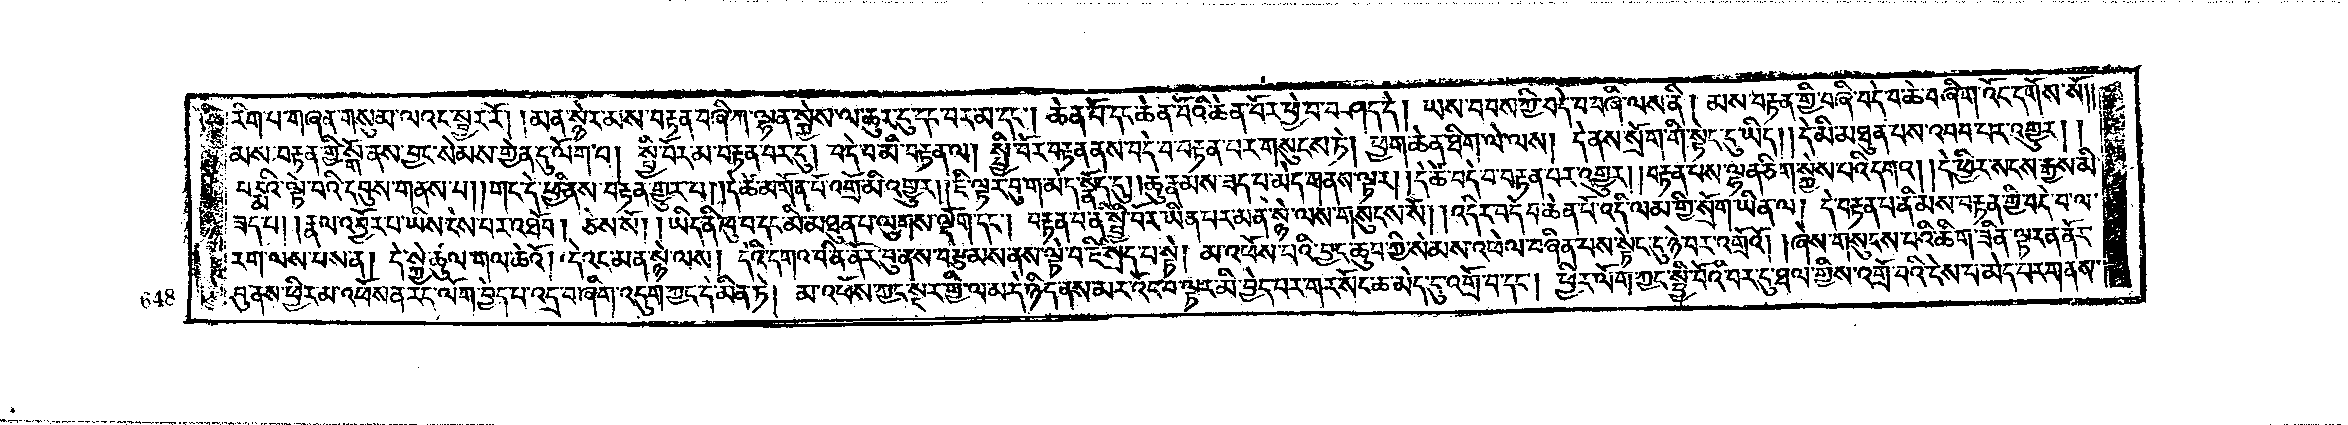རིག་པ་གཞན་གསུམ་ལའང་སྦྱར་རོ། །མན་སྙེར་མས་བརྟན་བཞི་ཀ་ལྷན་སྐྱེས་ལ་ཆུང་དུ་དང་བར་མ་དང་། ཆེན་པོ་དང་ཆེན་པོའི་ཆེན་པོར་ཕྱེ་བ་བཤད་དེ། ཡས་བབས་ཀྱི་བདེ་བ་བཞི་ལས་ནི། མས་བརྟན་གྱི་བཞི་བདེ་བ་ཆེ་བ་ཞིག་འོང་དགོས་སོ། །
མས་བརྟན་གྱི་སྒོ་ནས་བྱང་སེམས་གྱེན་དུ་ལོག་པ། སྤྱི་བོར་མ་བརྟན་བར་དུ། བདེ་བ་མི་བརྟན་ལ། སྤྱི་བོར་བརྟན་ནས་བདེ་བ་བརྟན་པར་གསུངས་ཏེ། ཕྱག་ཆེན་ཐིག་ལེ་ལས། དེ་ནས་སྲོག་གི་སྟེང་དུ་ཡིད། །དེ་མི་མཐུན་པས་འབབ་པར་འགྱུར། །
པདམའི་ལྟེ་བའི་དབུས་གནས་པ། །གང་དེ་ཕྱི་ནས་བརྟན་གྱུར་པ། །དེ་ཚེ་མགོན་པོ་འགྲོ་མི་འགྱུར། །ཇི་ལྟར་བུ་ག་མེད་སྣོད་དུ། །ཆུ་རྣམས་ཟད་པ་མེད་གནས་ལྟར། །དེ་ཚེ་བདེ་བ་བརྟན་པར་འགྱུར། །བརྟན་པས་ལྷན་ཅིག་སྐྱེས་པའི་དགའ། །དེ་ཕྱིར་སངས་རྒྱས་མི་
ཟད་པ། །རྣལ་འབྱོར་པ་ཡིས་ངེས་པར་འཐོབ། ཅེས་སོ། །ཡིད་ནི་ཁུ་བ་དང་མི་མཐུན་པ་ལུགས་ལྡོག་དང་། བརྟན་པ་ནི་སྤྱི་བོར་ཡིན་པར་མན་སྙེ་ལས་གསུངས་སོ། །འདིར་བདེ་བ་ཆེན་པོ་འདི་ལམ་གྱི་སྲོག་ཡིན་ལ། དེ་བརྟན་པ་ནི་མས་བརྟན་གྱི་བདེ་བ་ལ་
རག་ལས་པས་ན། དེ་སྐྱེ་ཚུལ་གལ་ཆེའོ། །དེའང་མན་སྙེ་ལས། དེའི་དགའ་བ་ནི་ནོར་བུ་ནས་བརྩམས་ནས་ལྟེ་བ་ཇི་སྲིད་པ་སྟེ། མ་འཕོས་པའི་བྱང་ཆུབ་ཀྱི་སེམས་འཕེལ་བཞིན་པས་སྟེང་དུ་ཉེ་བར་འགྲོའོ། །ཞེས་གསུངས་པའི་ཚིག་ཟིན་ལྟར་ན་ནོར་
བུ་ནས་ཕྱིར་མ་འཕོས་ན་རང་ལོག་བྱེད་པ་འདྲ་བ་ཞིག་འདུག་ཀྱང་དེ་མིན་ཏེ། མ་འཕོས་ཀྱང་སྔར་གྱི་ལ་མ་དེ་ཉིད་ནས་མར་འོང་བ་ལྟར་མི་བྱེད་པར་གར་སོང་ཆ་མེད་དུ་འགྲོ་བ་དང་། ཕྱིར་ལོག་ཀྱང་སྤྱི་བོའི་བར་དུ་ཐལ་གྱིས་འགྲོ་བའི་ངེས་པ་མེད་པར་གནས་